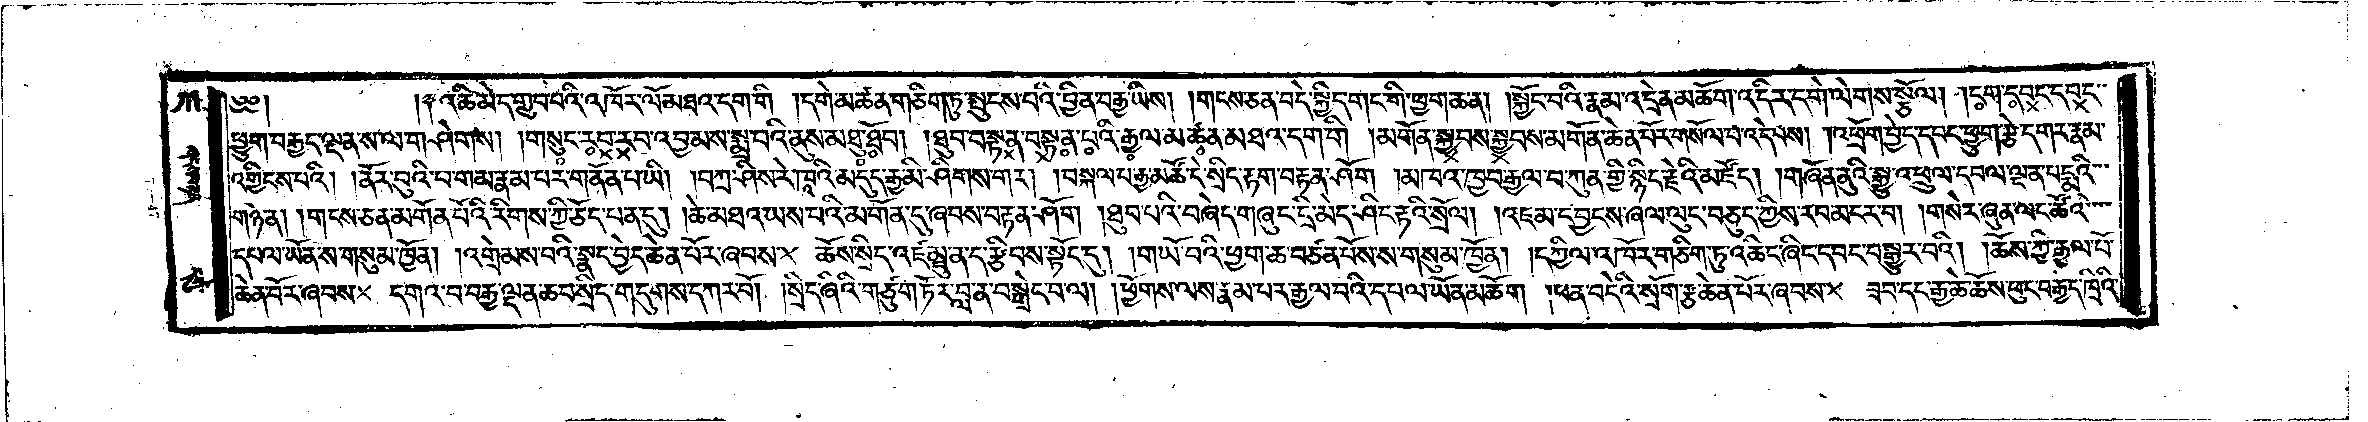༄༅། ། ༈ འཆི་མེད་གྲུབ་པའི་འཁོར་ལོ་མཐའ་དག་གི །དགེ་མཚན་གཅིག་ཏུ་སྡུངས་པའི་བྱིན་བརྒྱ་ཡིས། །གངས་ཅན་བདེ་སྐྱིད་གང་གི་ཕྱག་ཆན། །སྐྱོང་བའི་རྣམ་འདྲེན་མཆོག་འདིར་དགེ་ལེགས་སྩོལ། །ངག་དབང་དབང་
ཕྱུག་བརྒྱད་ལྡན་ས་ལ་གཤེགས། །གསུང་རབ་རབ་འབྱམས་སྨྲ་བའི་ནུས་མཐུ་ཐོབ། །ཐུབ་བསྟན་བསྟན་པའི་རྒྱལ་མཚན་མཐའ་དག་གི །མགོན་སྐྱབས་སྐྱབས་མགོན་ཆེན་པོར་གསོལ་བ་འདེབས། །འཕྲོག་བྱེད་དབང་ཕྱུག་རྩེ་དགར་རྣམ་
འགྱིངས་པའི། །ནོར་བུའི་པ་གམ་རྣམ་པར་གནོན་པ་ཡི། །བཀྲ་ཤིས་རེ་བའི་མདུད་རྒྱ་མི་ཤིགས་གར། །བསྐལ་བརྒྱ་མཚོ་དེ་སྲིད་རྟག་བརྟན་ཤོག །མཁའ་ཁྱབ་རྒྱལ་བ་ཀུན་གྱི་སྙིང་རྗེའི་མཛོད། །གཞོན་ནུའི་སྒྱུ་འཕྲུལ་དཔལ་ལྡན་པདམའི་
གཉེན། །གངས་ཅན་མགོན་པོའི་རིགས་ཀྱི་ཅོད་པན་དུ། །ཚེ་མཐའ་ཡས་པའི་མགོན་དུ་ཞབས་བརྟན་ཤོག །ཐུབ་པའི་བཞེད་གཞུང་དྲི་མེད་ཤིང་རྟའི་སྲོལ། །འཇམ་དབྱངས་ཞལ་ལུང་བཅུད་ཀྱིས་རབ་མངར་བ། །གསེར་ཞུན་ལང་ཚོའི་
དཔལ་ཡོན་ས་གསུམ་ཁྱོན། །འགྲེམས་པའི་སྣང་བྱེད་ཆེན་པོར་ཞབས་྾་ཆོས་སྲིད་འཛམྦུ་ནད་རྩིབས་སྟོང་དུ། །གཡོ་བའི་ཕྱག་ཆ་བཙན་པོས་ས་གསུམ་ཁྱོན། །དཀྱིལ་འཁོར་གཅིག་ཏུ་འཆིང་ཞིང་དབང་བསྒྱུར་བའི། །ཆོས་ཀྱི་རྒྱལ་པོ་
ཆེན་པོར་ཞབས་྾་དགའ་བ་བརྒྱ་ལྡན་ཆབ་སྲིད་གདུངས་དཀར་པོ། །སྲིད་ཞིའི་གཙུག་ཏོར་བླ་ན་བསྲེངས་པ་ལ། །ཕྱོགས་ལས་རྣམ་པར་རྒྱལ་བའི་དཔལ་ཡོན་མཆོག །ཕན་བདེའི་སྲོག་རྩ་ཆེན་པོར་ཞབས་྾་ཟབ་དང་རྒྱ་ཆེ་ཆོས་ཕུང་བརྒྱད་ཁྲིའི་